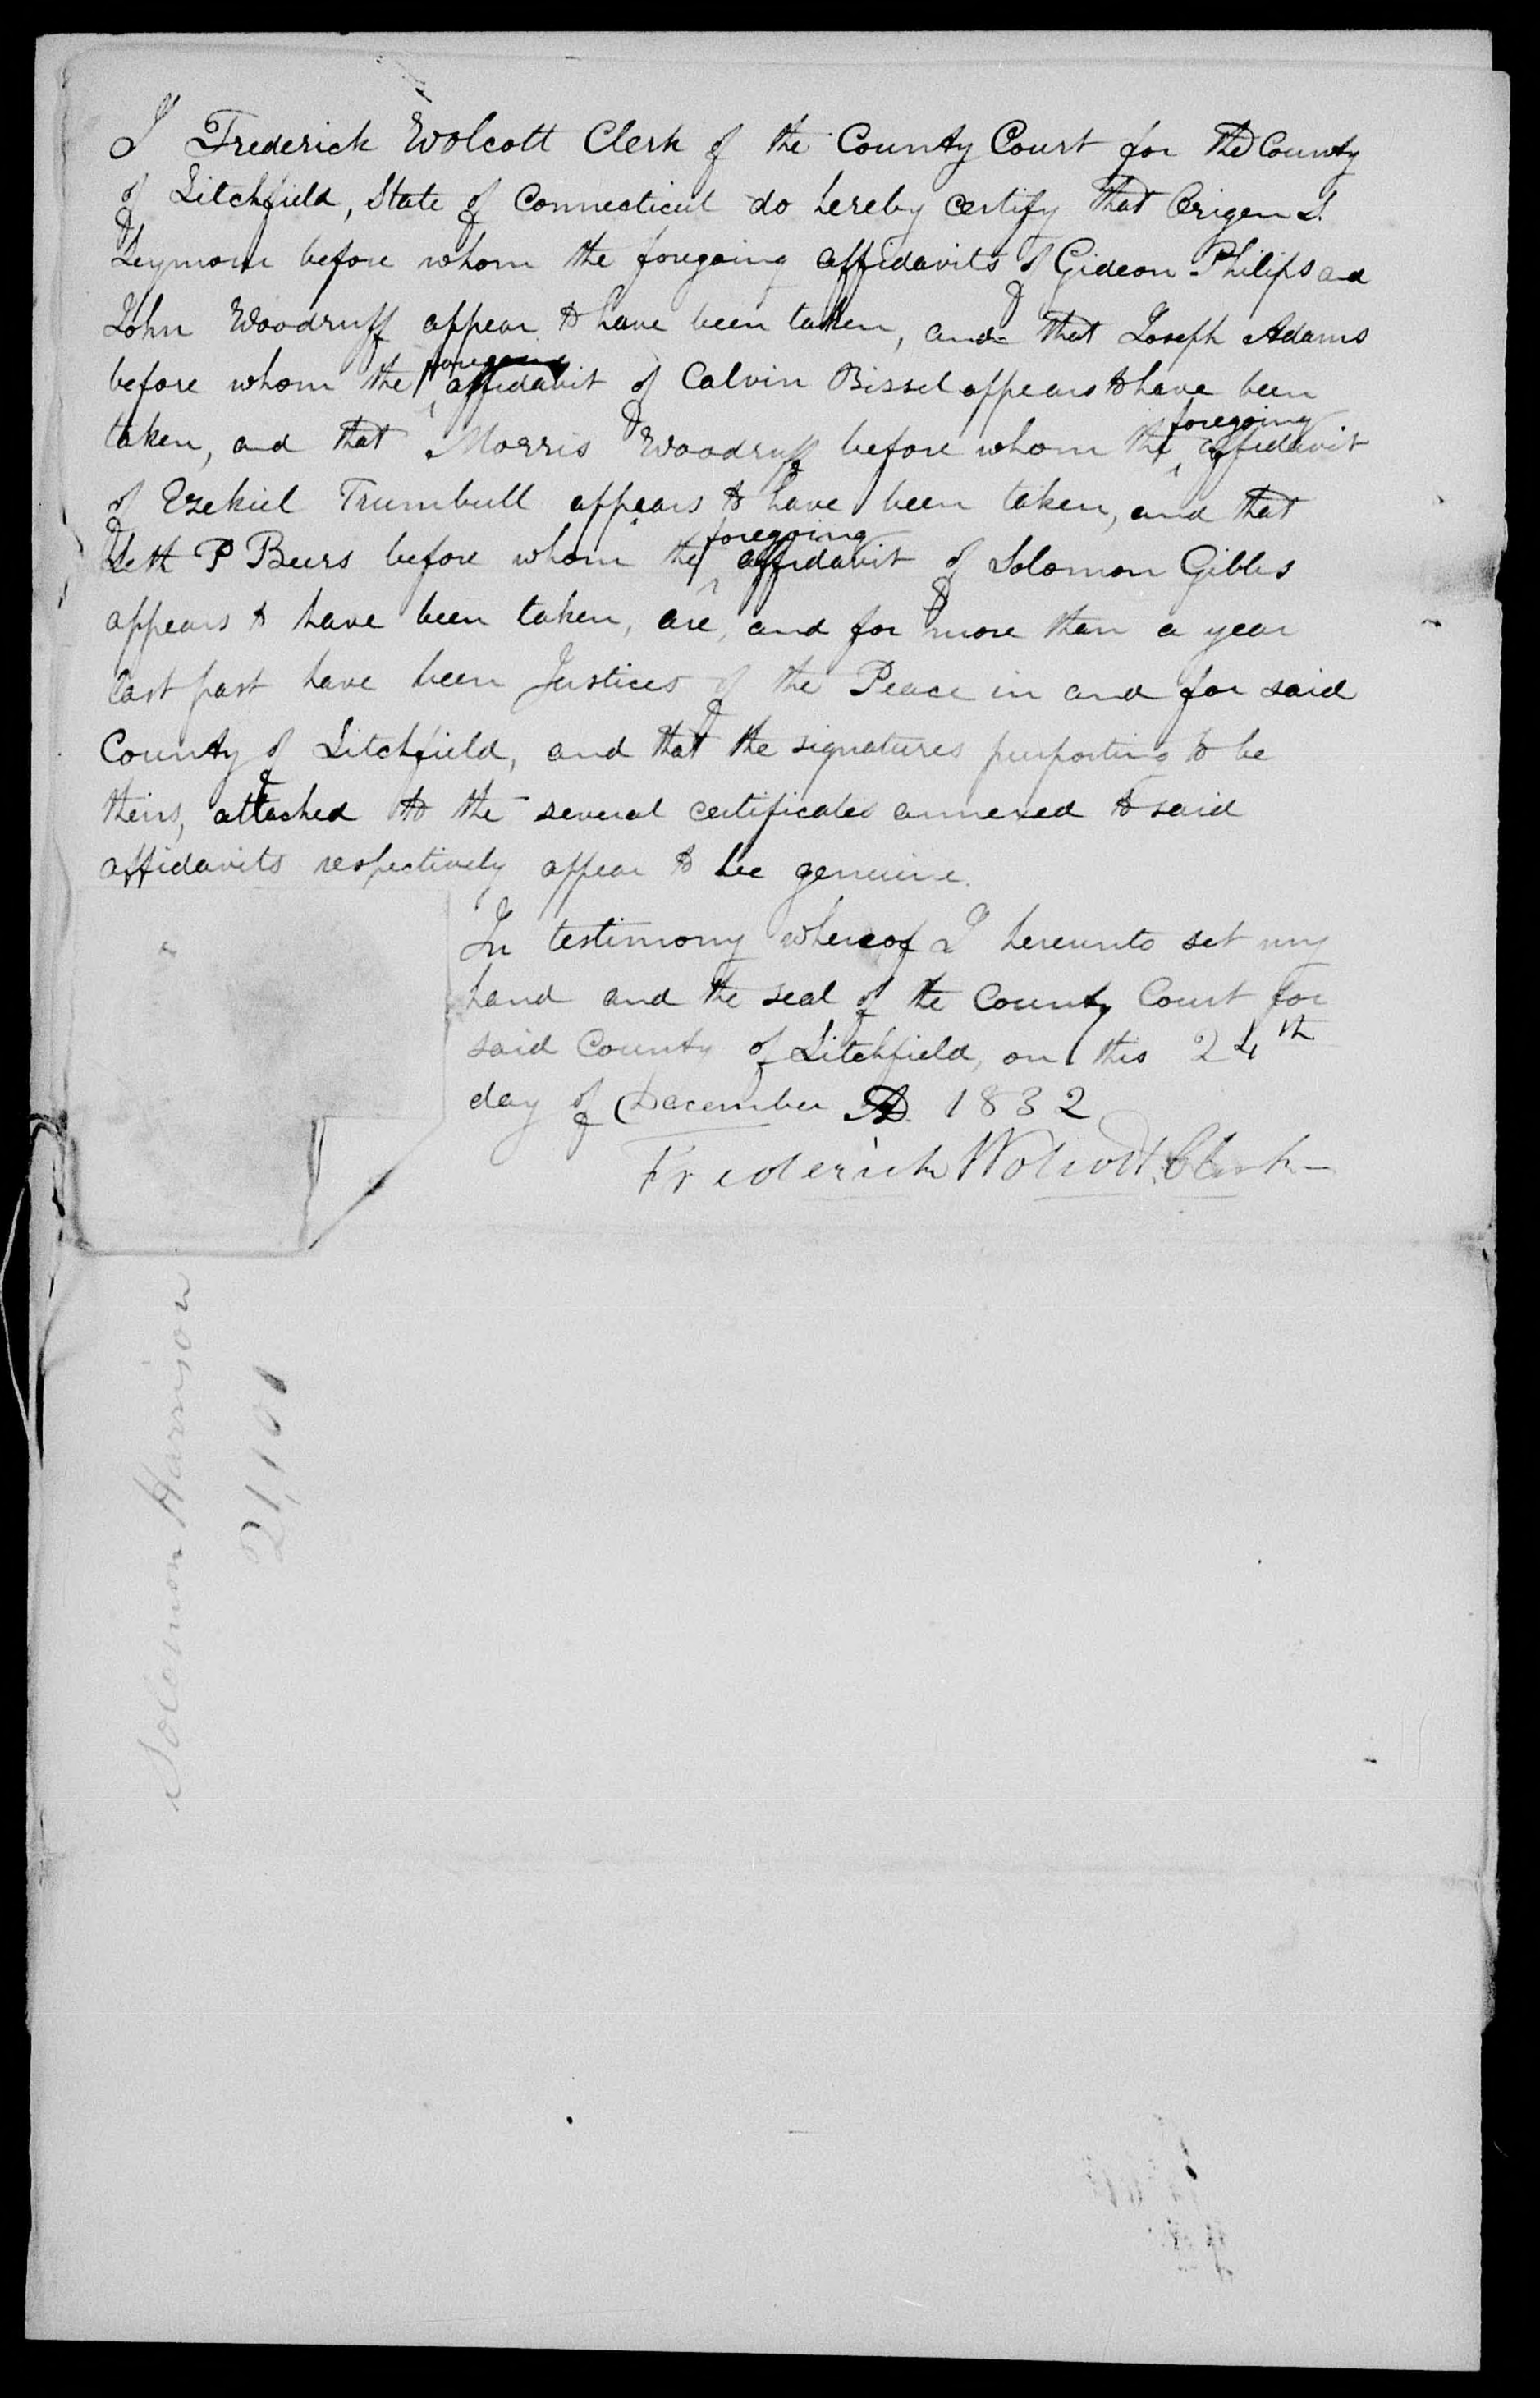I Frederick Wolcott Clerk of the County Court for the County of Litchfield, State of Connecticut do hereby certify that Origen S. Seymour before whom the foregoing affidavits of Gideon Phillips and John Woodruff appear to have been taken, and that Joseph Adams before whom the foregoing affidavit of Calvin Bissel appears to have been taken, and that Morris Woodruff before whom the foregoing affidavit of Ezekiel Trumbull appears to have been taken, and that Seth P Beers before whom the foregoing affidavit of Solomon Gibbs appears to have been taken, are, and for more than a year last past have been Justices of the Peace in and for said County of Litchfield, and that the signatures purporting to be theirs attached to the several certificates annexed to said affidavits respectively appear to be genuine.
In testimony whereof I hereunto set my hand and the seal of the County Court for said County of Litchfield, on this 24th day of December AD. 1832
Frederick Wolcott Clerk

Solomon Harrison
21,101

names: Morris Woodruff, Solomon Gibbs, Gideon Philips, Origen S Seymour, Frederick Wolcott, Joseph Adams, Ezekiel Trumbull, John Woodruff, Solomon Harrison, Seth P Beers, Frederick Wolcott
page: 22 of 22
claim: survivor's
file: S. 16137, Solomon Harrison, Conn.